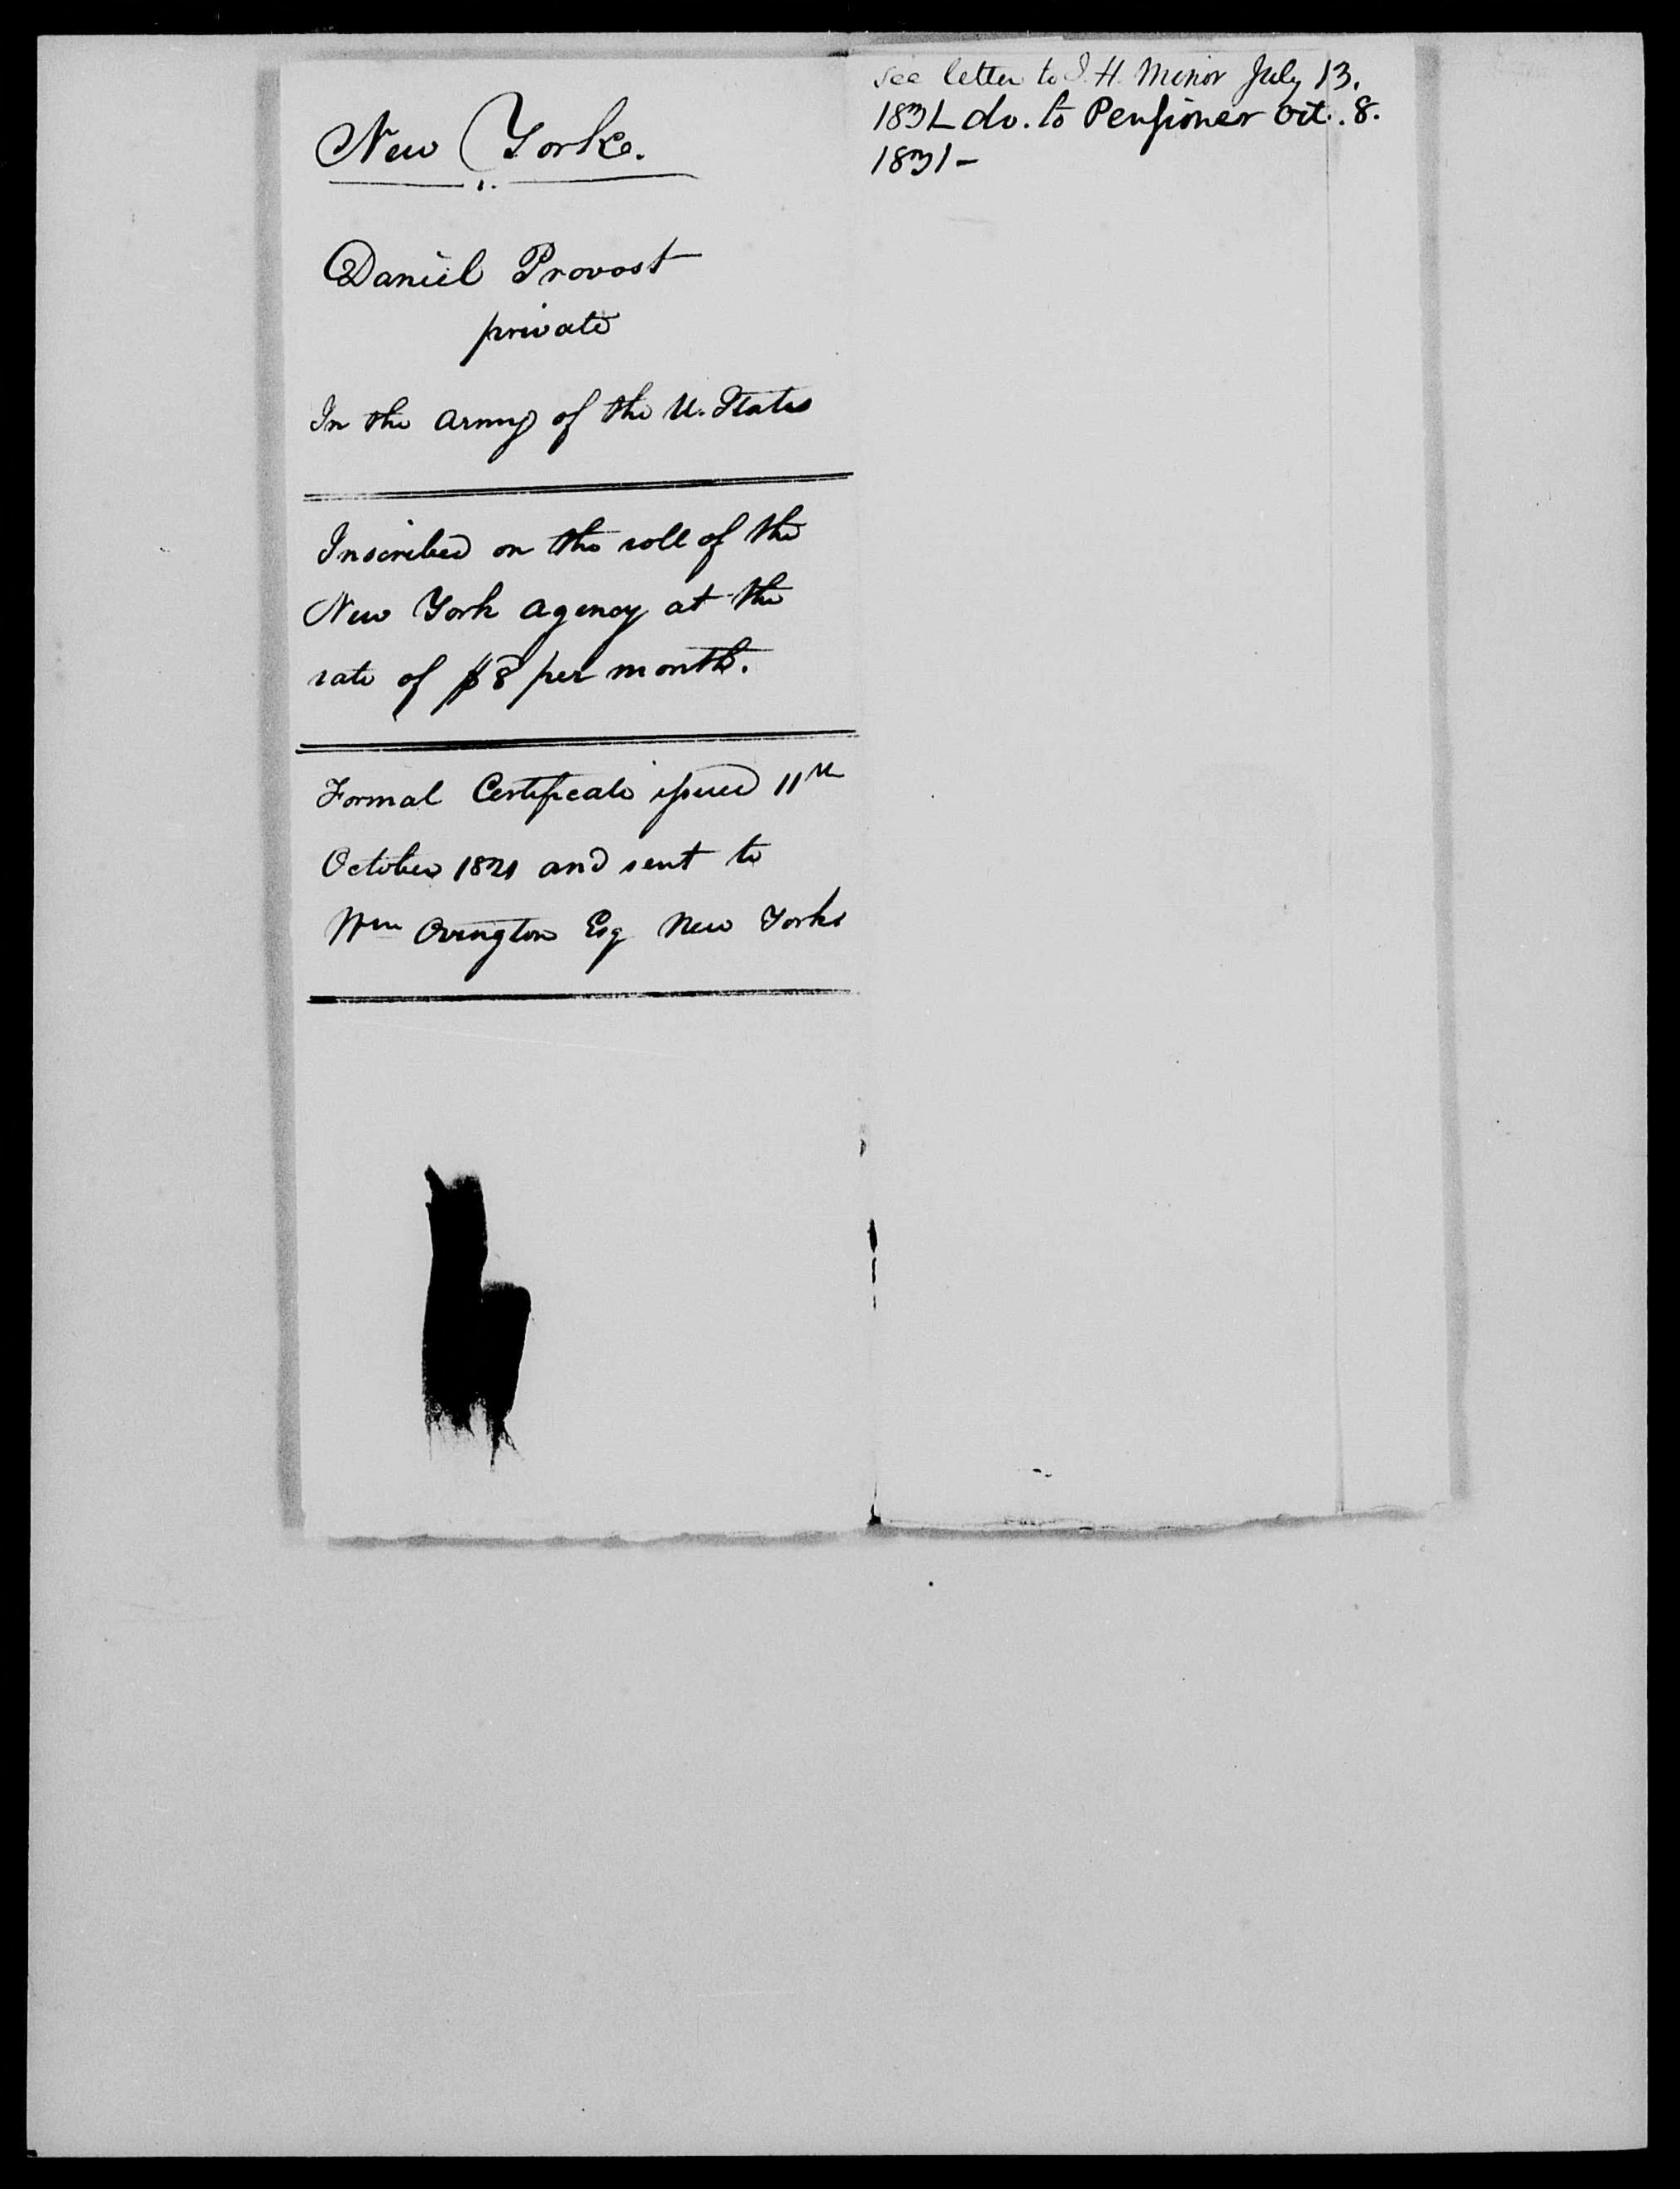See letter to J. H. Minor July 13
1831 do. to Pensioner Oct. 8
1831-
New York
Daniel Provost
private
In the Army of the U. States
Inscribed on the roll of the
New York agency at the
rate of $8 per month.
Formal Certificate issued 11th
October 1821 and sent to
Wm Ovington Esq. New York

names: Daniel Provost; Wm Ovington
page: 7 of 24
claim: survivor's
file: S. 20,926, for Daniel Provost, Connecticut